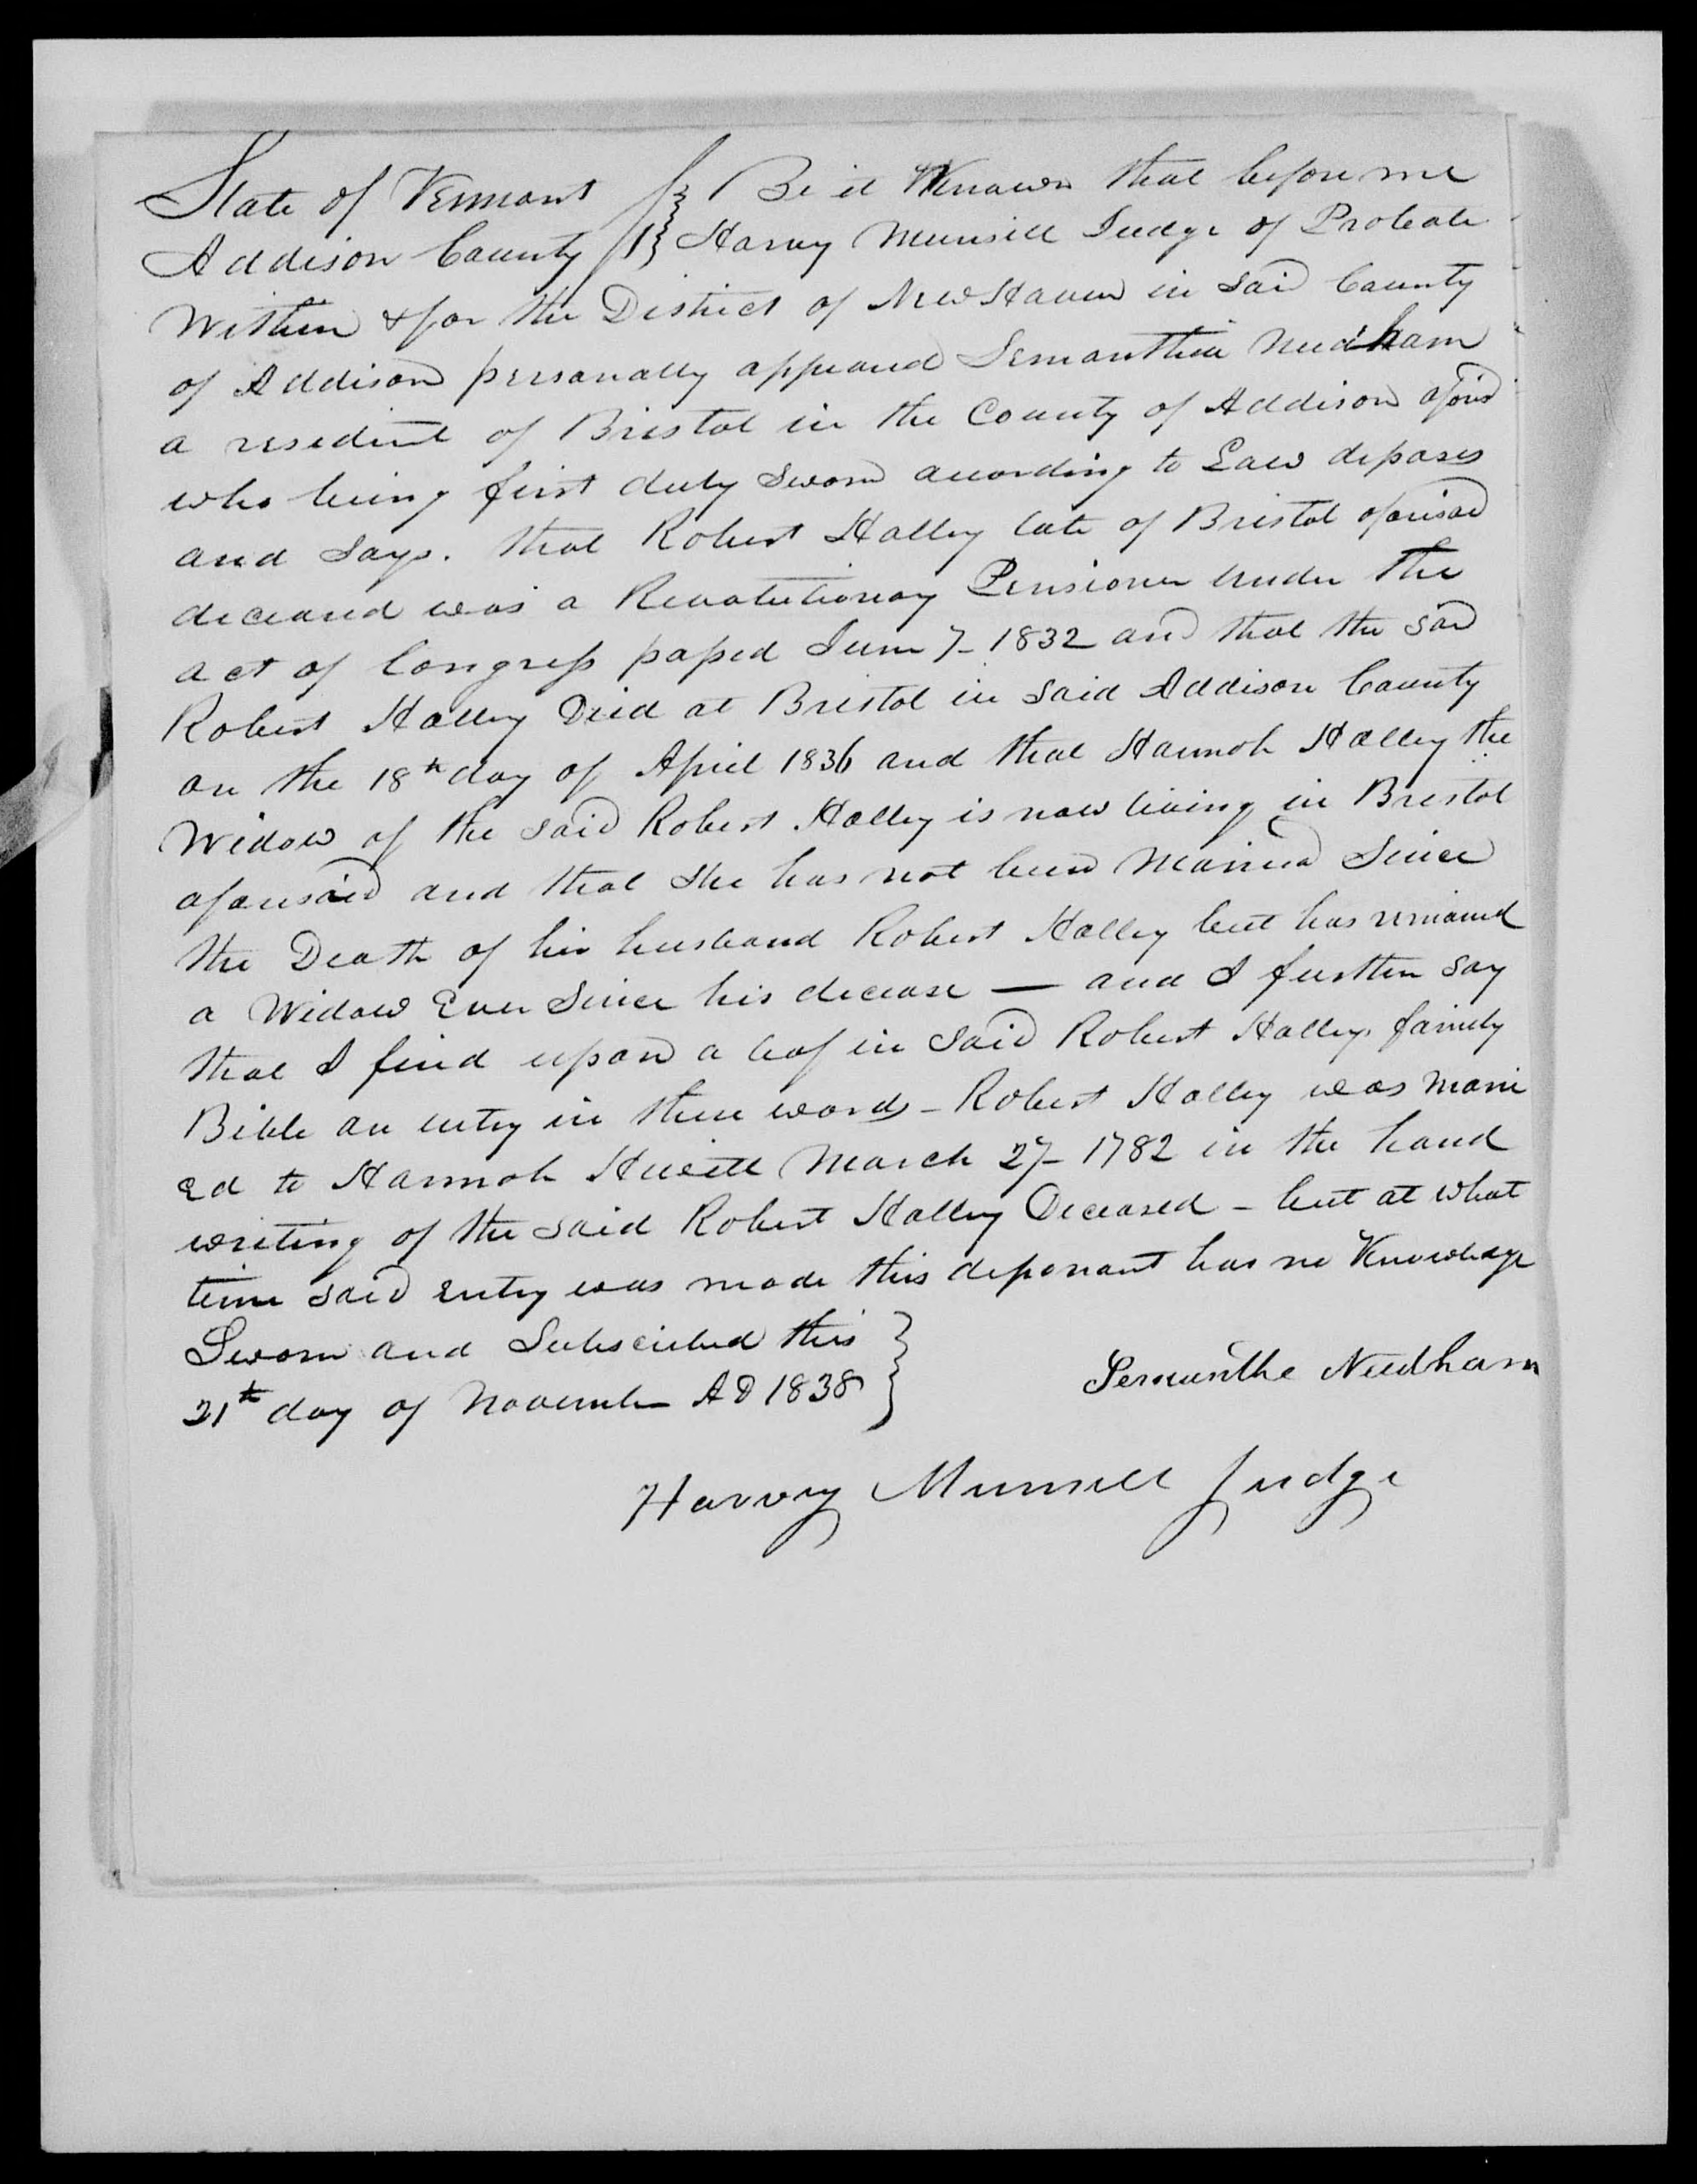State of Vermont  Be it known that before me
Addison County ⎬Harvey Munsill Judge of Probate within & for the District of New Haven in said County of Addison personally appeared Semantha Needham a resident of Bristol in the County of Addison aforesaid
who being first duly sworn according to Law deposes and says, that Robert Holley late of Bristol aforesaid deceased was a Revolutionary Pensioner under the act of Congress passed June 7, 1832 and that the said Robert Holley died at Bristol in said Addison County on the 18th day of April 1836 and that Hannah Holley the widow of the said Robert Holley is now living in Bristol aforesaid and that she has not been married since the death of his husband Robert Halley but has remained a widow ever since his decease - and I further say that I find upon a leaf in said Robert Holley family Bible an entry in these words. Robert Holley was married to Hannah Howell March 27, 1782 in the hand writing of the said Robert Holley Deceased - but at what
time said entry was made this deponant has no knowledge
Semantha Needham
Sworn and Subscribed this
21st day of November AD 1838
Harvey Munsill Judge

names: Harvey Munsill, Robert Halley, Robert Halley, Harvey Munsill, Hannah Halley, Robert Halley, Robert Halley, Robert Halley, Robert Halley, Hannah Hewitt, Semanthe Needham, Robert Halley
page: 10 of 62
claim: widow's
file: W. 21391, Robert Holley, Conn.